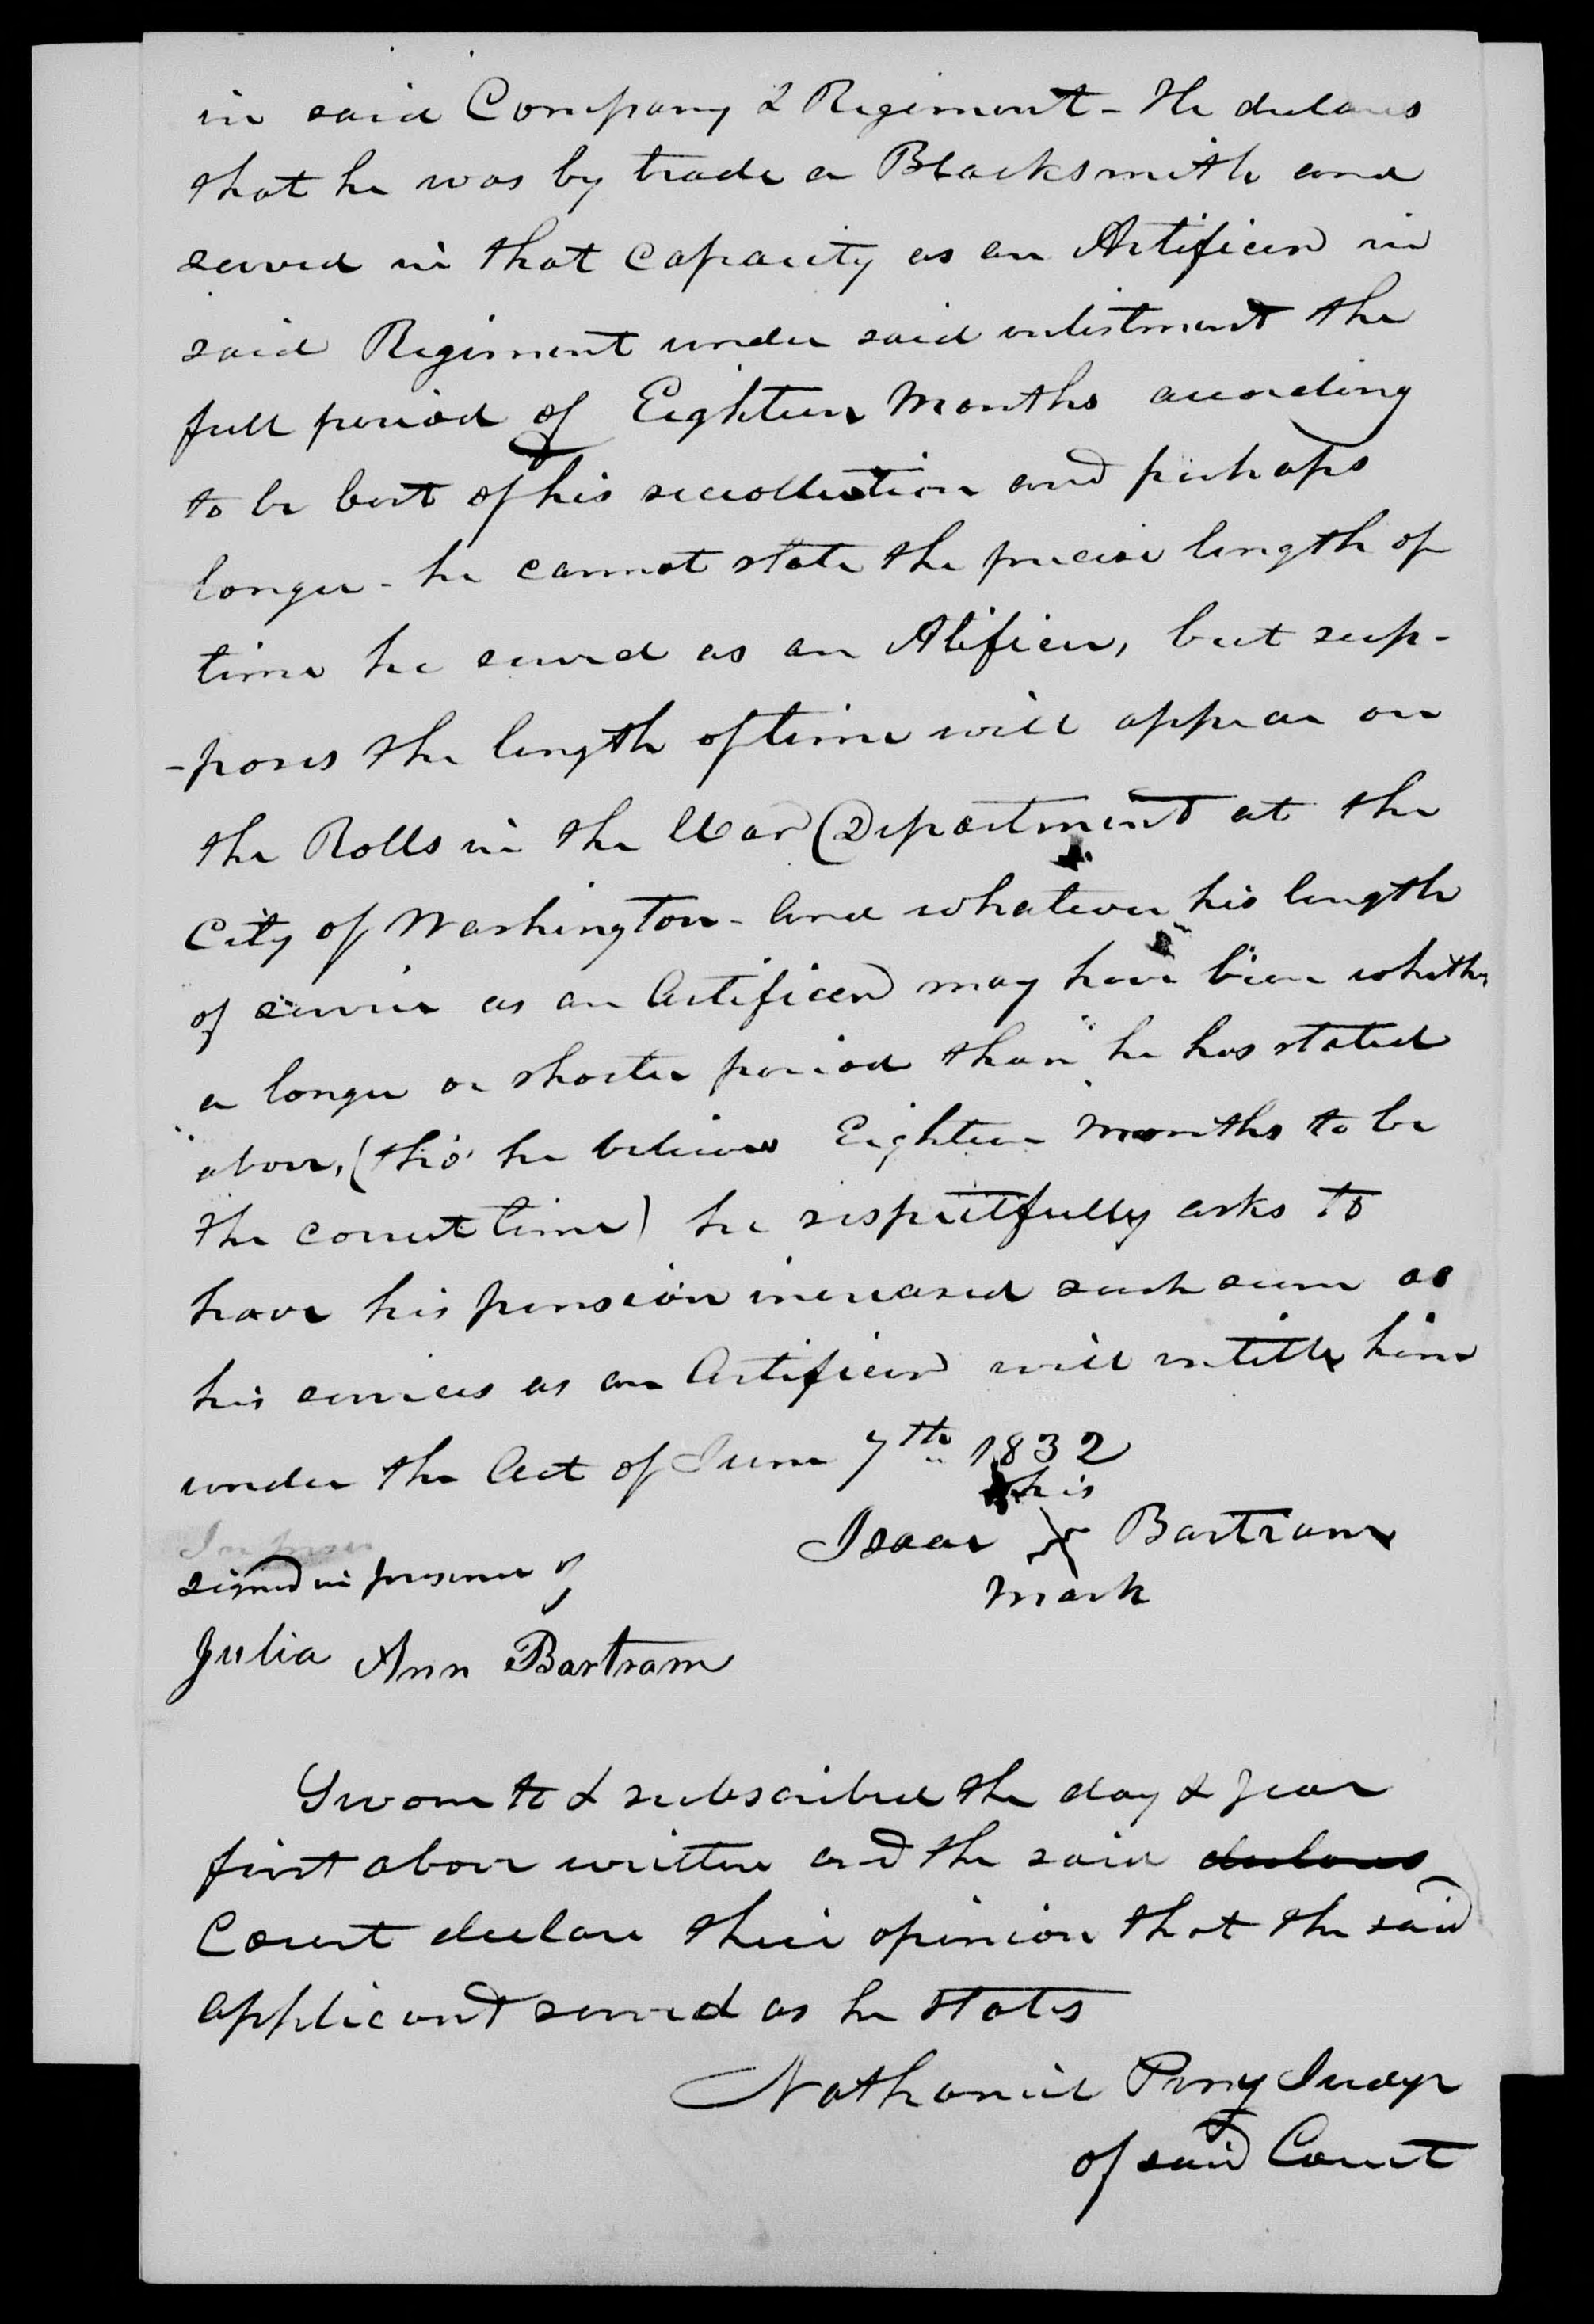in said Company & Regiment  He declares
that he was by trade a Blacksmith and
served in that capacity as an Artificer in
said Regiment under said enlistment the
full period of Eighteen months according
to be best of his recollection and perhaps
longer he cannot state the precise length of
time he served as an Atificer, but supposes
the length of time will appear on
the Rolls in the War Department at the
City of Washington and whatever his length
of service as a artificer may have been whether
a longer or shorter period than he has stated
above, (tho he believes Eighteen months to be
the correct time) he respectfully asks to
have his pension increased such sum as
his services as an artificer will intitle him
under the act of June 7th 1832

His  X  Mark
Isaac Bartram

Signed in presence of
Julia Ann Bartram

Sworn to & subscribed the day & year
first above written and the said
Court declare their opinion that the said
applicant served as he states
Nathaniel Perry Judge
of said Court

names: Julia Ann Bartram, Nathaniel Perry, Isaac Bartram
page: 32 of 39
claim: survivor's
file: S. 12110, Isaac Bartram, Continental (Conn)